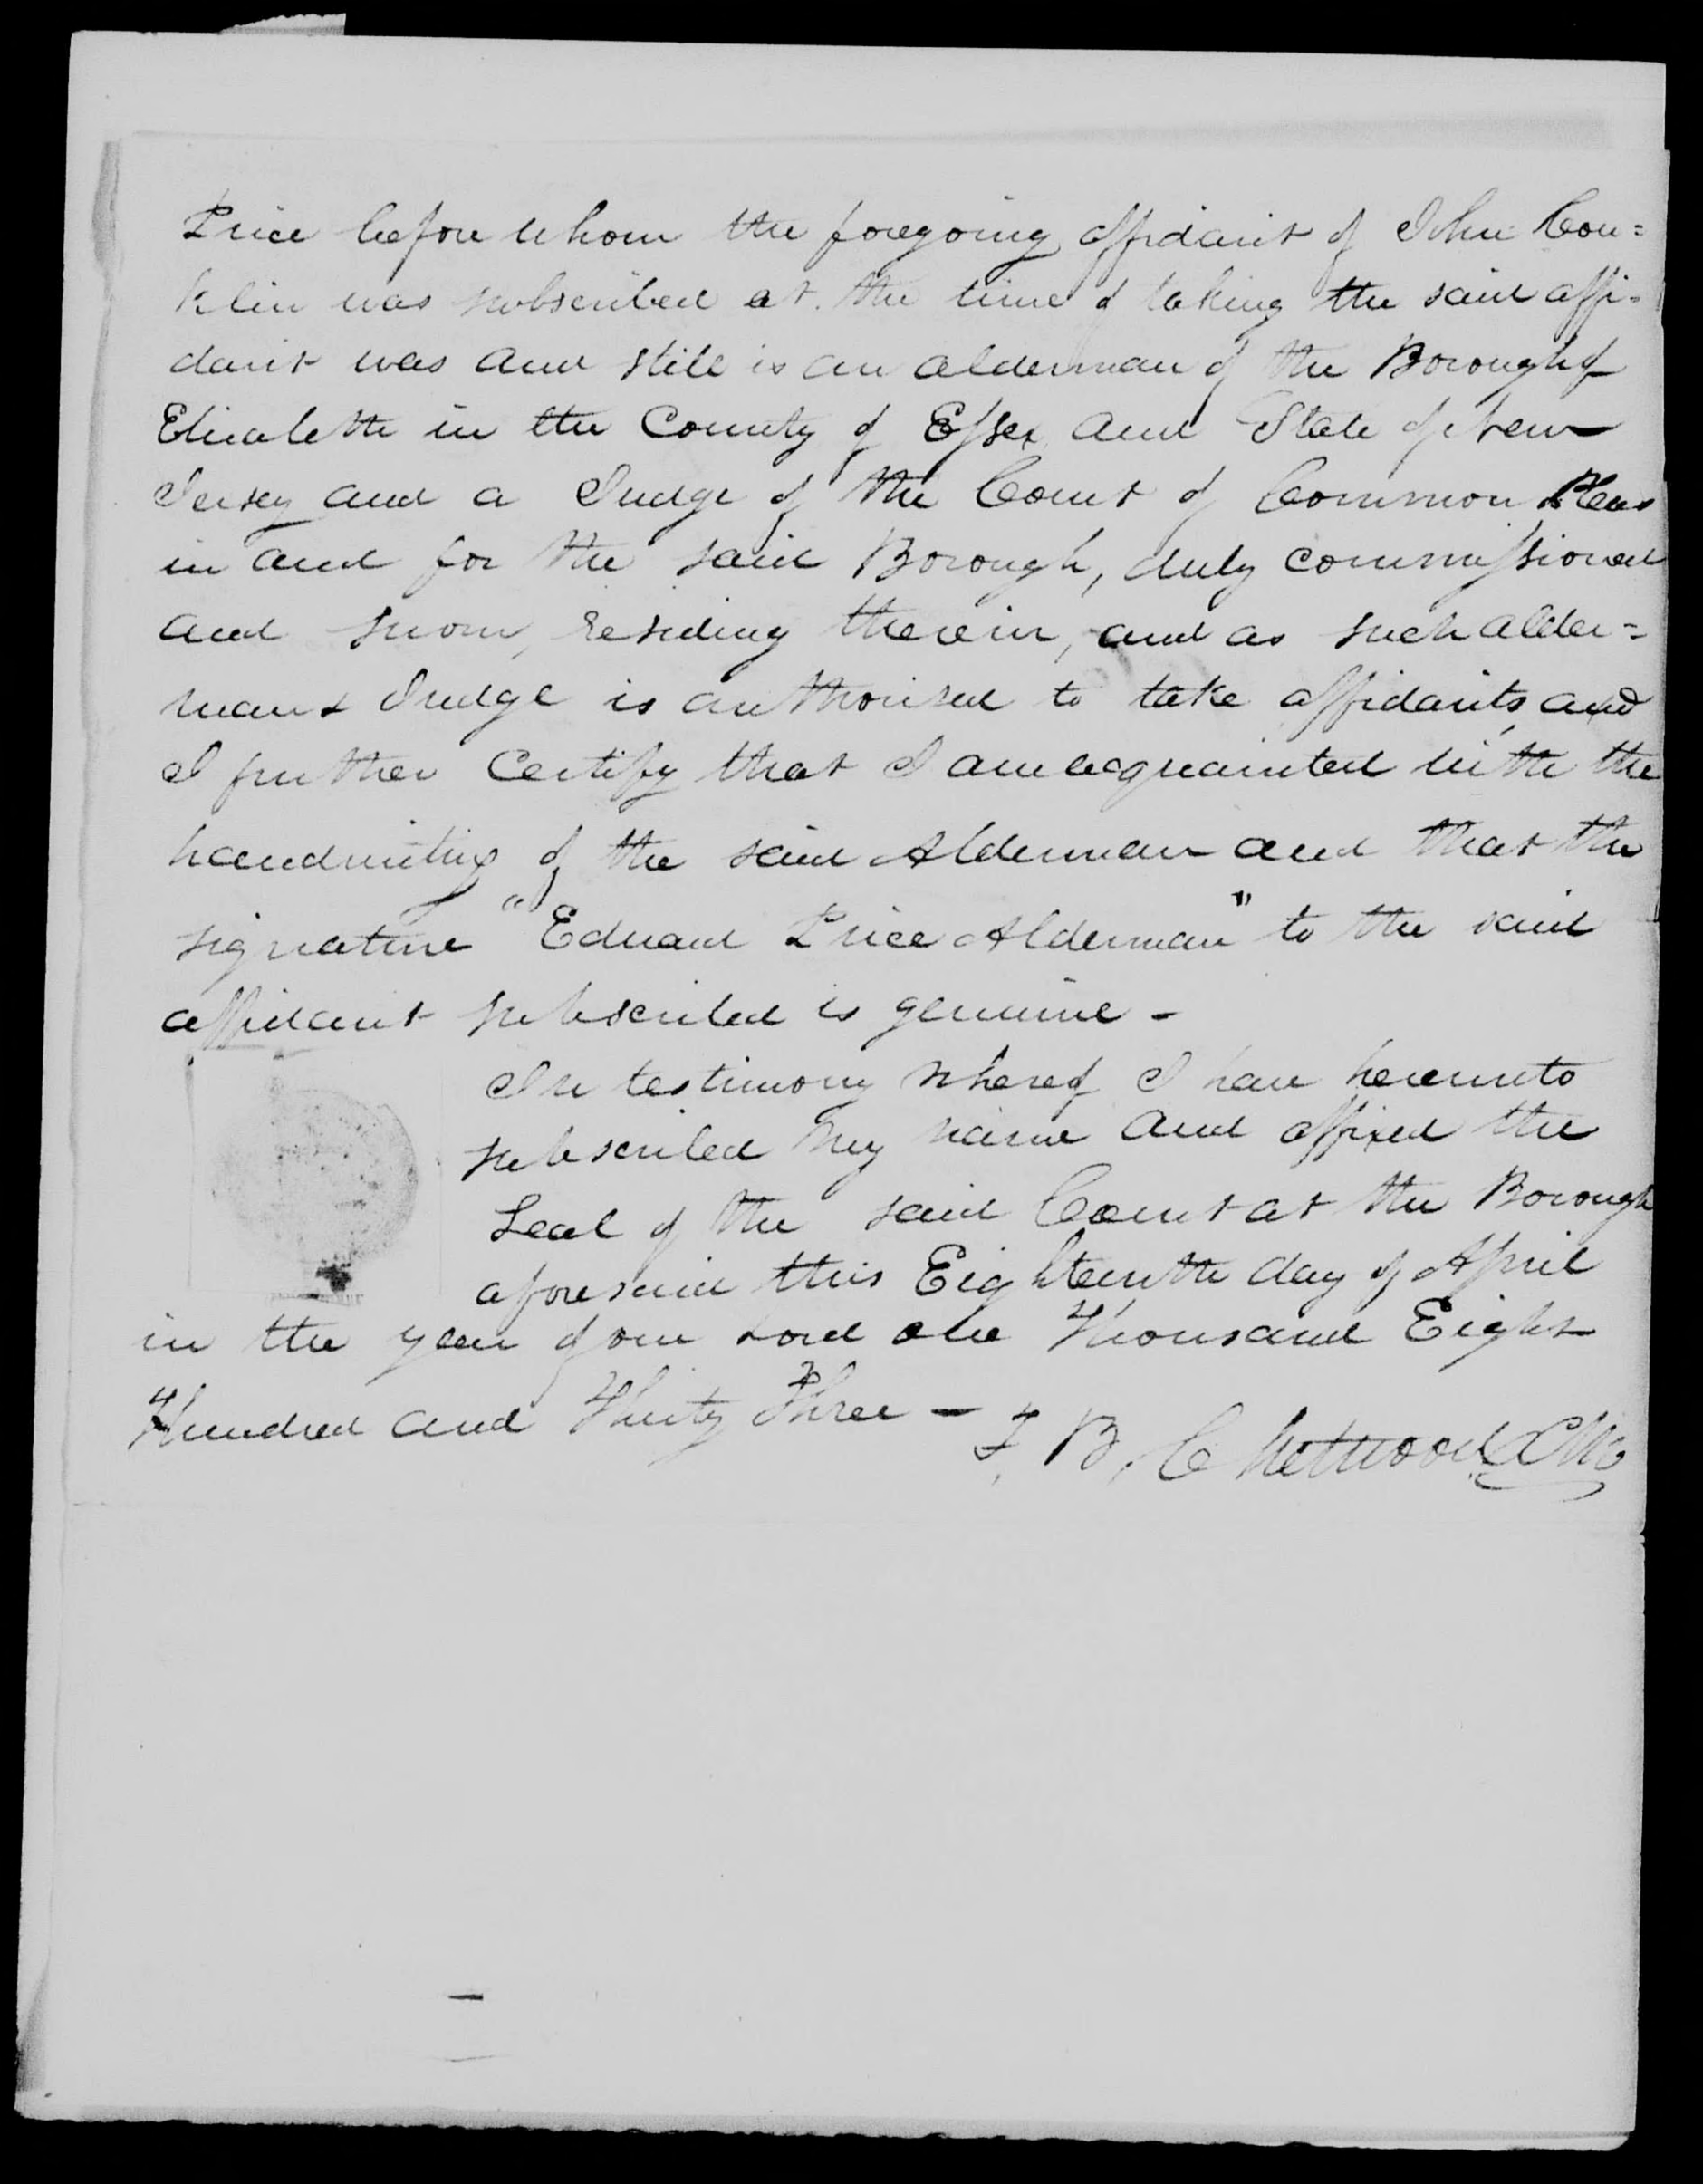Price before whom the forgoing affidavit of John Conklin was subscribed at the time of taking the said affidavit was and still is an [ ] of the Borough of Elizabeth in the County of Essex and State of New Jersey and a Judge of the Court of Common Pleas in and for the said Borough, duly commissioned and from, residing therein, and as such Alderman & Judge is authorised to take affidavits and I further certify that I am acquainted with the said Alderman and that the signature "Edward Price Alderman" to the said affidavit prescribed is genuine.
In testimony whereof I have hereunto prescribed my [ ] and affixed the Seal of the said Court at the Borough aforesaid this eighteenth day of April in the year of our Lord one thousand eight hundred and thirty three. F.B. Chetwood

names: Edward Price Alderman, John Conklin, F B Chetwood, Alderman, Price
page: 15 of 28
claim: survivor's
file: S 2464, John Conklin, New Jersey